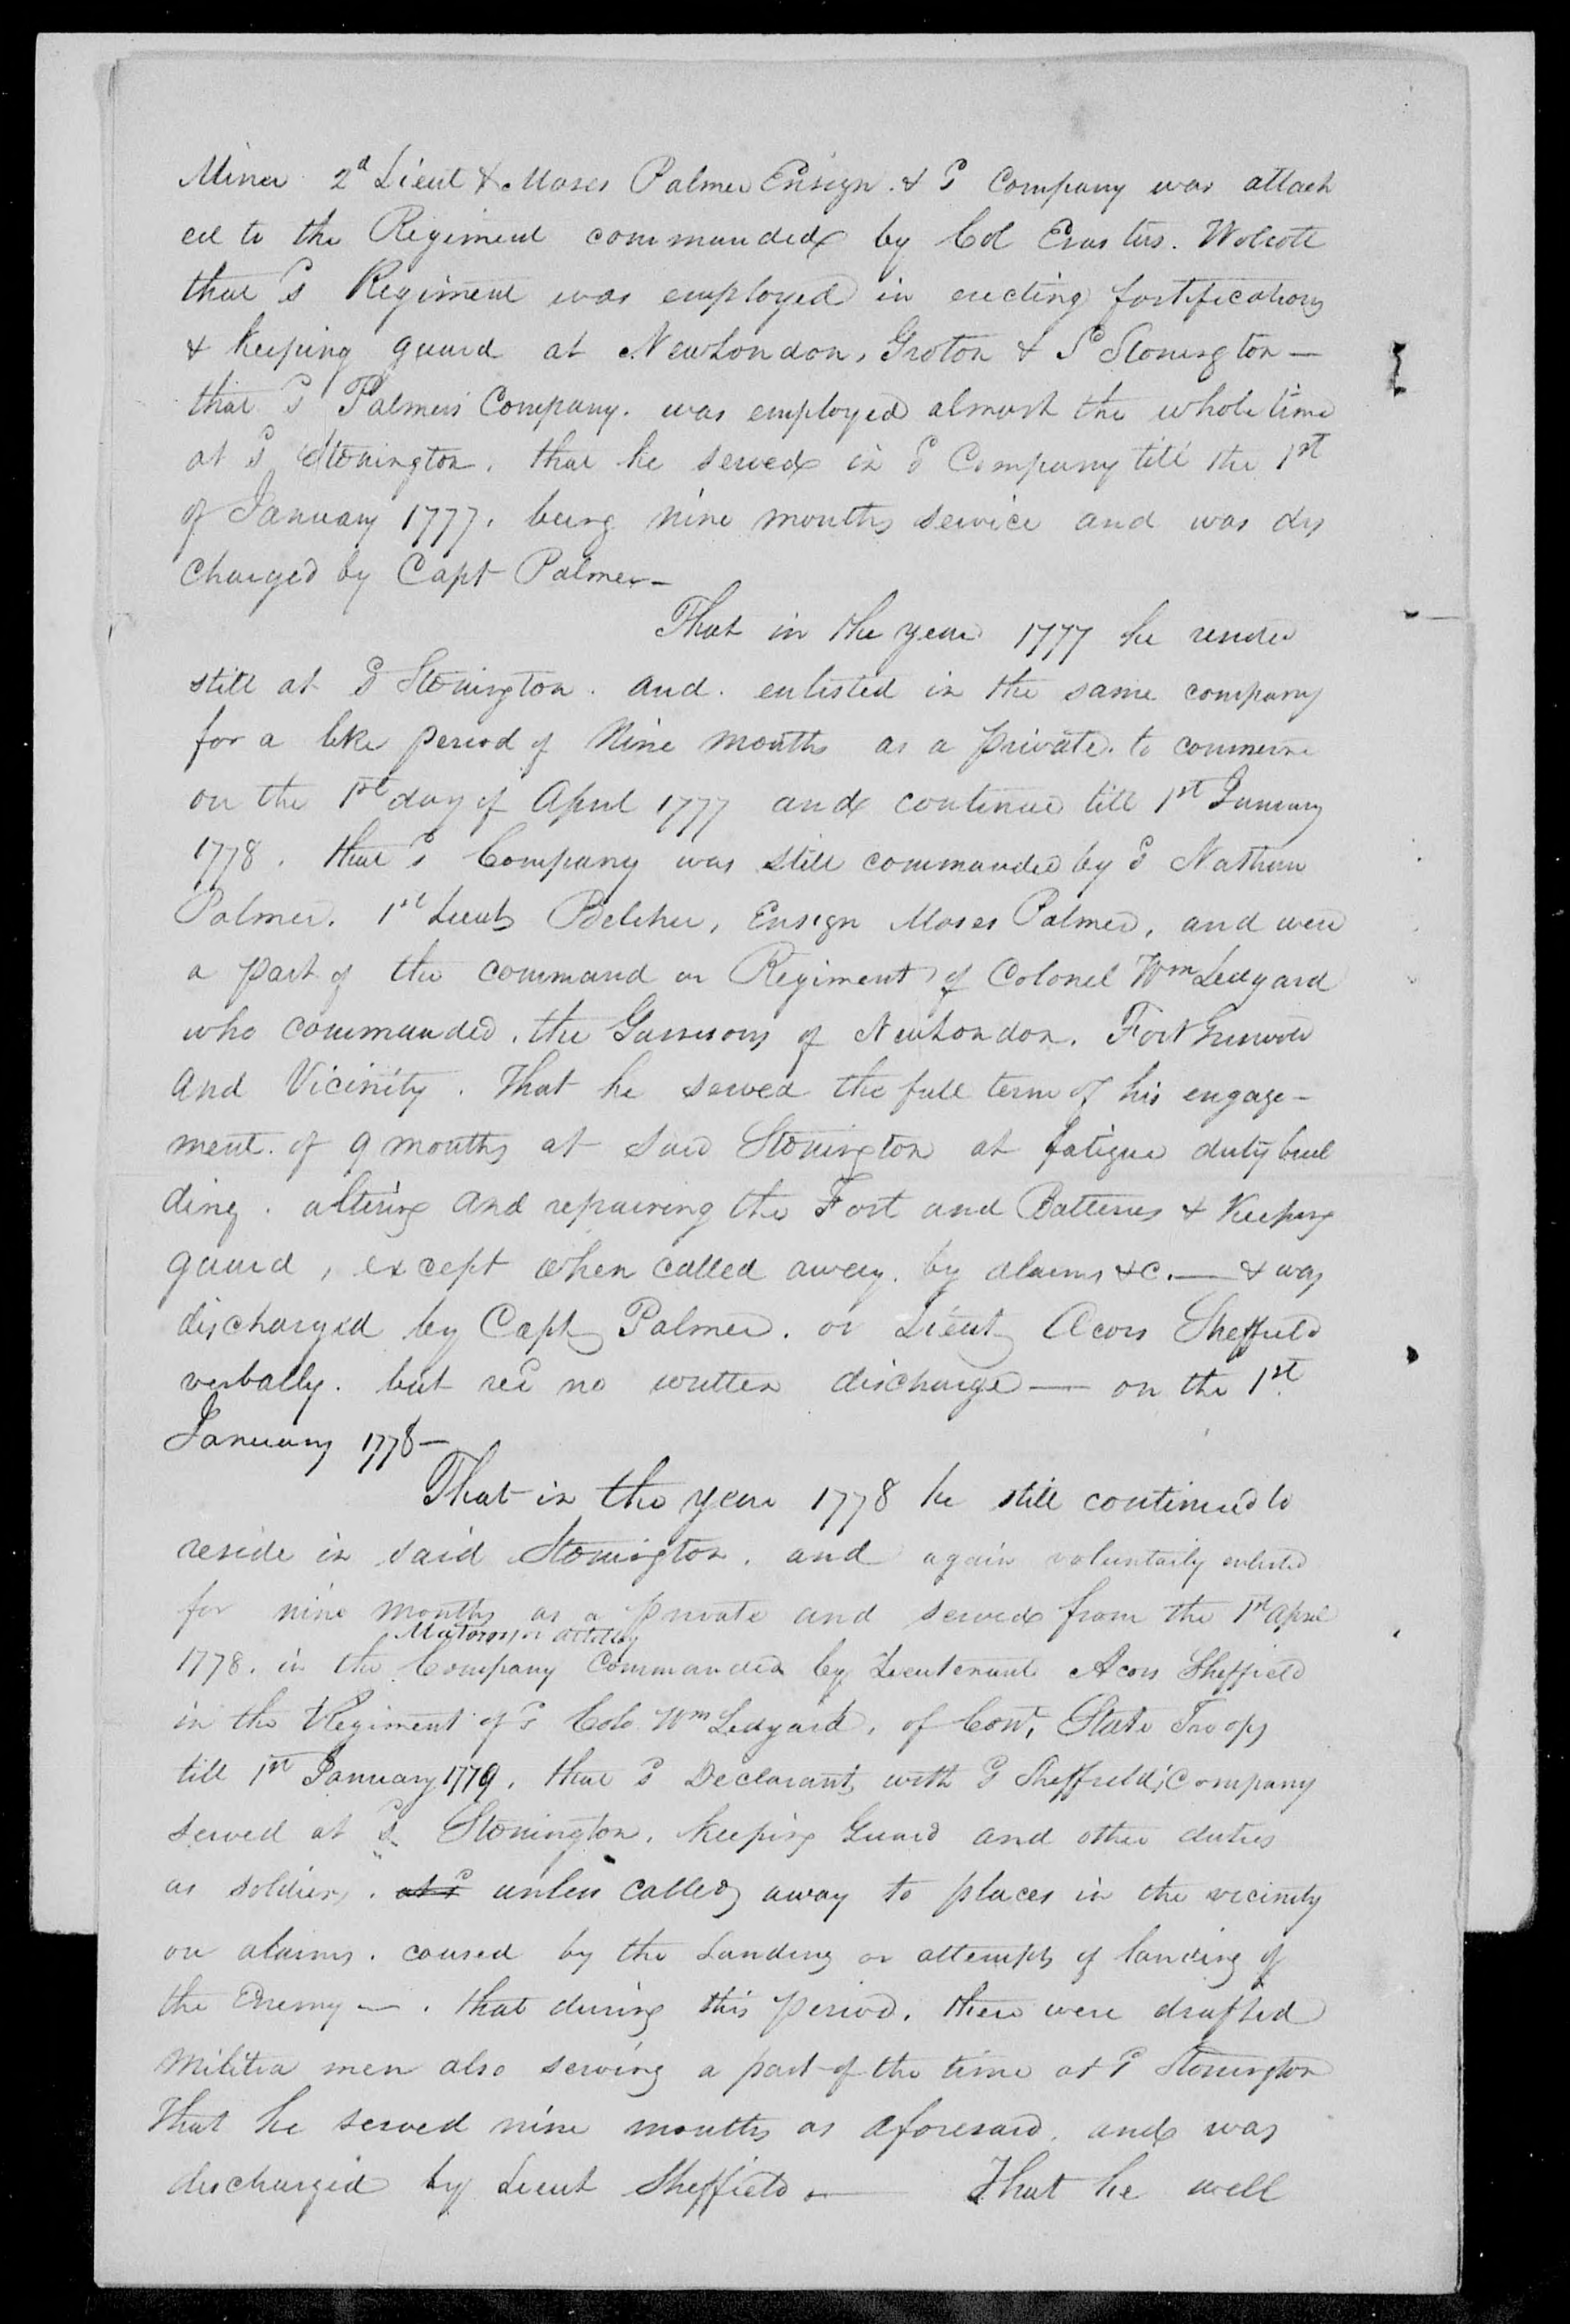Miner 2d Lieut & Moses Palmer Ensign & sd company was attached to the Regiment commanded by Col Erastus Wolcott
that is Regiment was employed in erecting fortification & keeping guard at New London, Groton & S Stonington.  that sd Palmers Company, was employed almost the whole time
at sd. Stonington. that he served in sd. company till the 1st of January 1777, being nine months service and was discharged by Capt Palmer.
That in the year 1777 he under still at sd Stonington. and enlisted in the same company
for a like period of nine months as a private to commence on the 1st day of April 1777 and continue till 1st January 1778. that a Company was still commanded by sd. Nathan
Palmer, 1st Lieut Belcher, Ensign Moses Palmer, and were a part of the command or Regiment of Colonel Wm Ledyard who commanded the Garrisons of New London, Fort [illegible]
and vicinity. That he served the full term of his engagement of 9 months at said Stonington at fatigue duty building, altering and repairing the Fort and Batteries & keeping guard, except when called away by alarms &c. & was
discharged by Capt Palmer. or Lieut Acors Sheffield verbally, but rec'd. no written discharge-- on the 1st January 1778.
That in the year 1778 he still continued to
reside in said Stonington, and again voluntarily enlisted for nine months as a private and served from the 1st April 1778, in the Matross or artillery Company  commanded by Lieutenant Acors Sheffield in the Regiment of Colo Wm Ledyard, of Cont State Troops till 1st January 1779. that sd Declarant with G Sheffield{s Company
served at S. Stonington, keeping Guard and other duties as soldier unless called away to places in the vicinity on alarms, caused by the Landing or attempts of landing of the enemy - that during this period, there were drafted Militia men also serving a part of the time at sd. Stonington
that he served nine months as aforesaid, and was discharged by Lieut Sheffield.
That he well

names: Moses Palmer, Palmer, Wm Ledyard, Palmer, Moses Palmer, Sheffield, Erastus Wolcott, Belcher, Acors Sheffield, Wm Ledyard, Palmer, Acors Sheffield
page: 4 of 26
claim: survivor's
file: S. 16843, Edward Hancox, Conn.